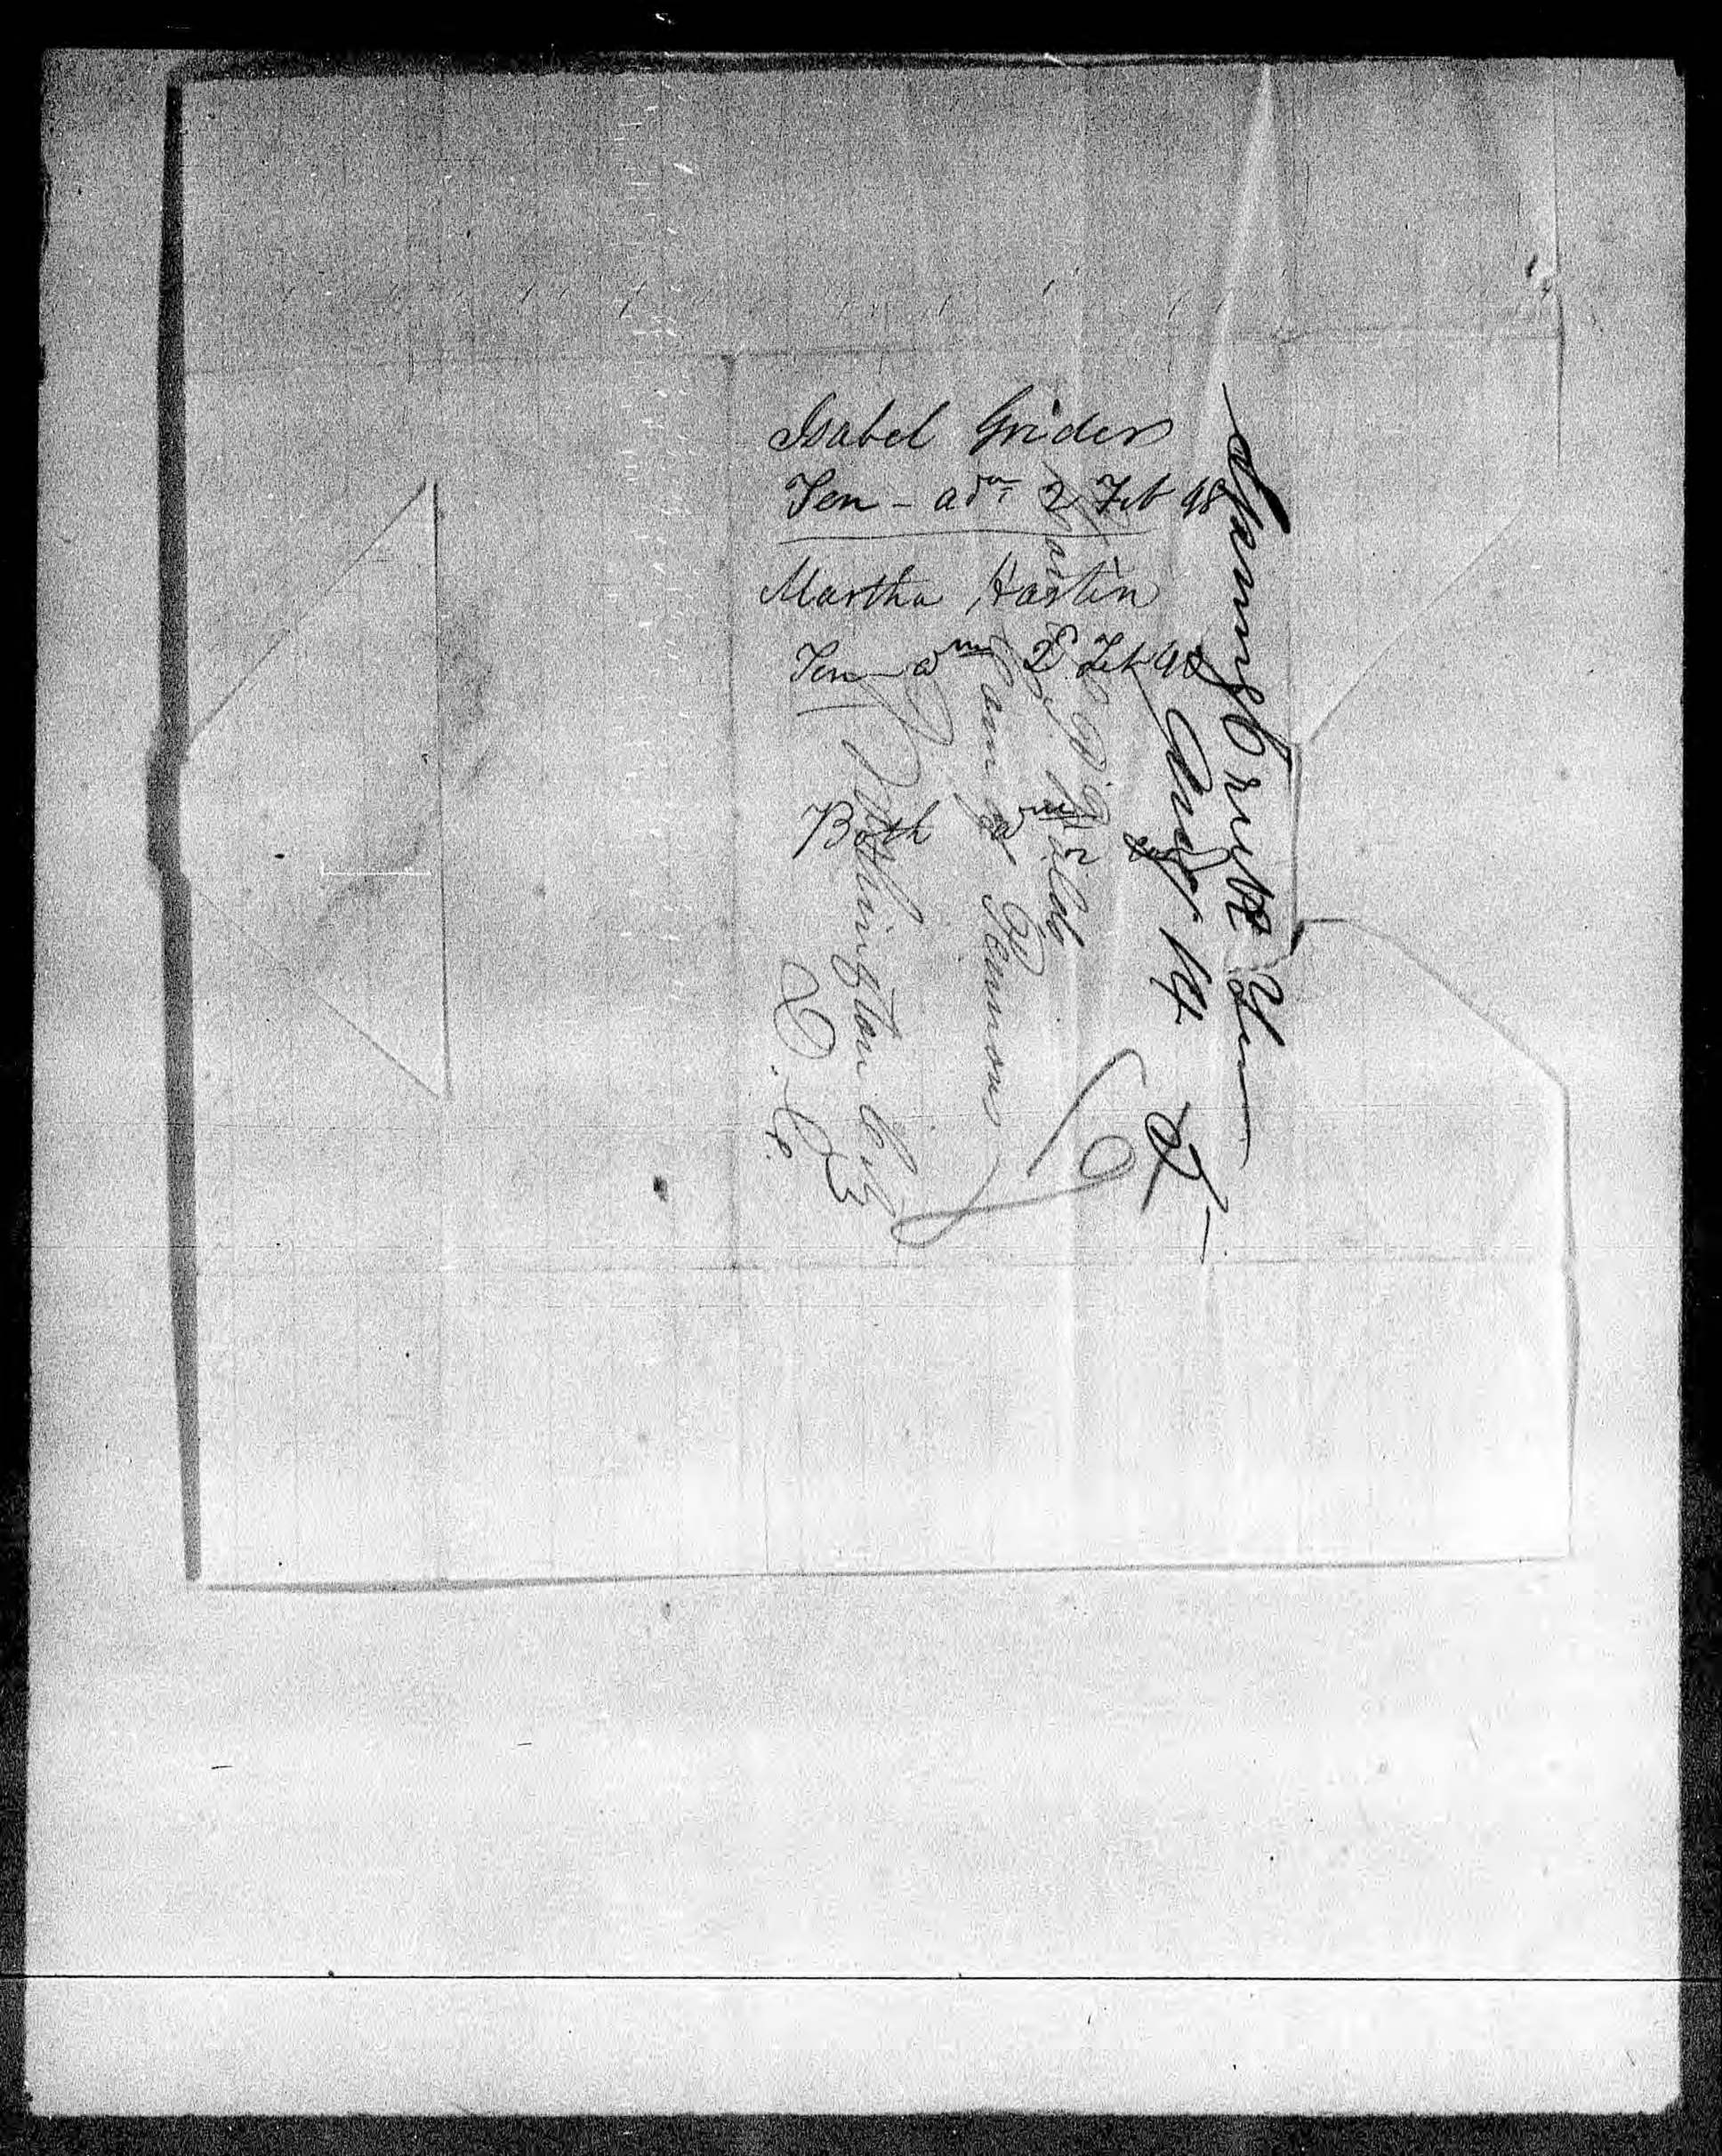Isabel Grider
Ten- Act of FEb 48

Martha Gastin
Ten- [illegible] [illegible]

73th [illegible]

Spring Creek Tenn
Aug 14

Hon. L P. Waldo
Comm of Pensions
Washington City
DC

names: Isabel Grider, L P Waldo, Martha Hasten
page: 71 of 91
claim: widow's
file: W 358, John Grider, N.C.